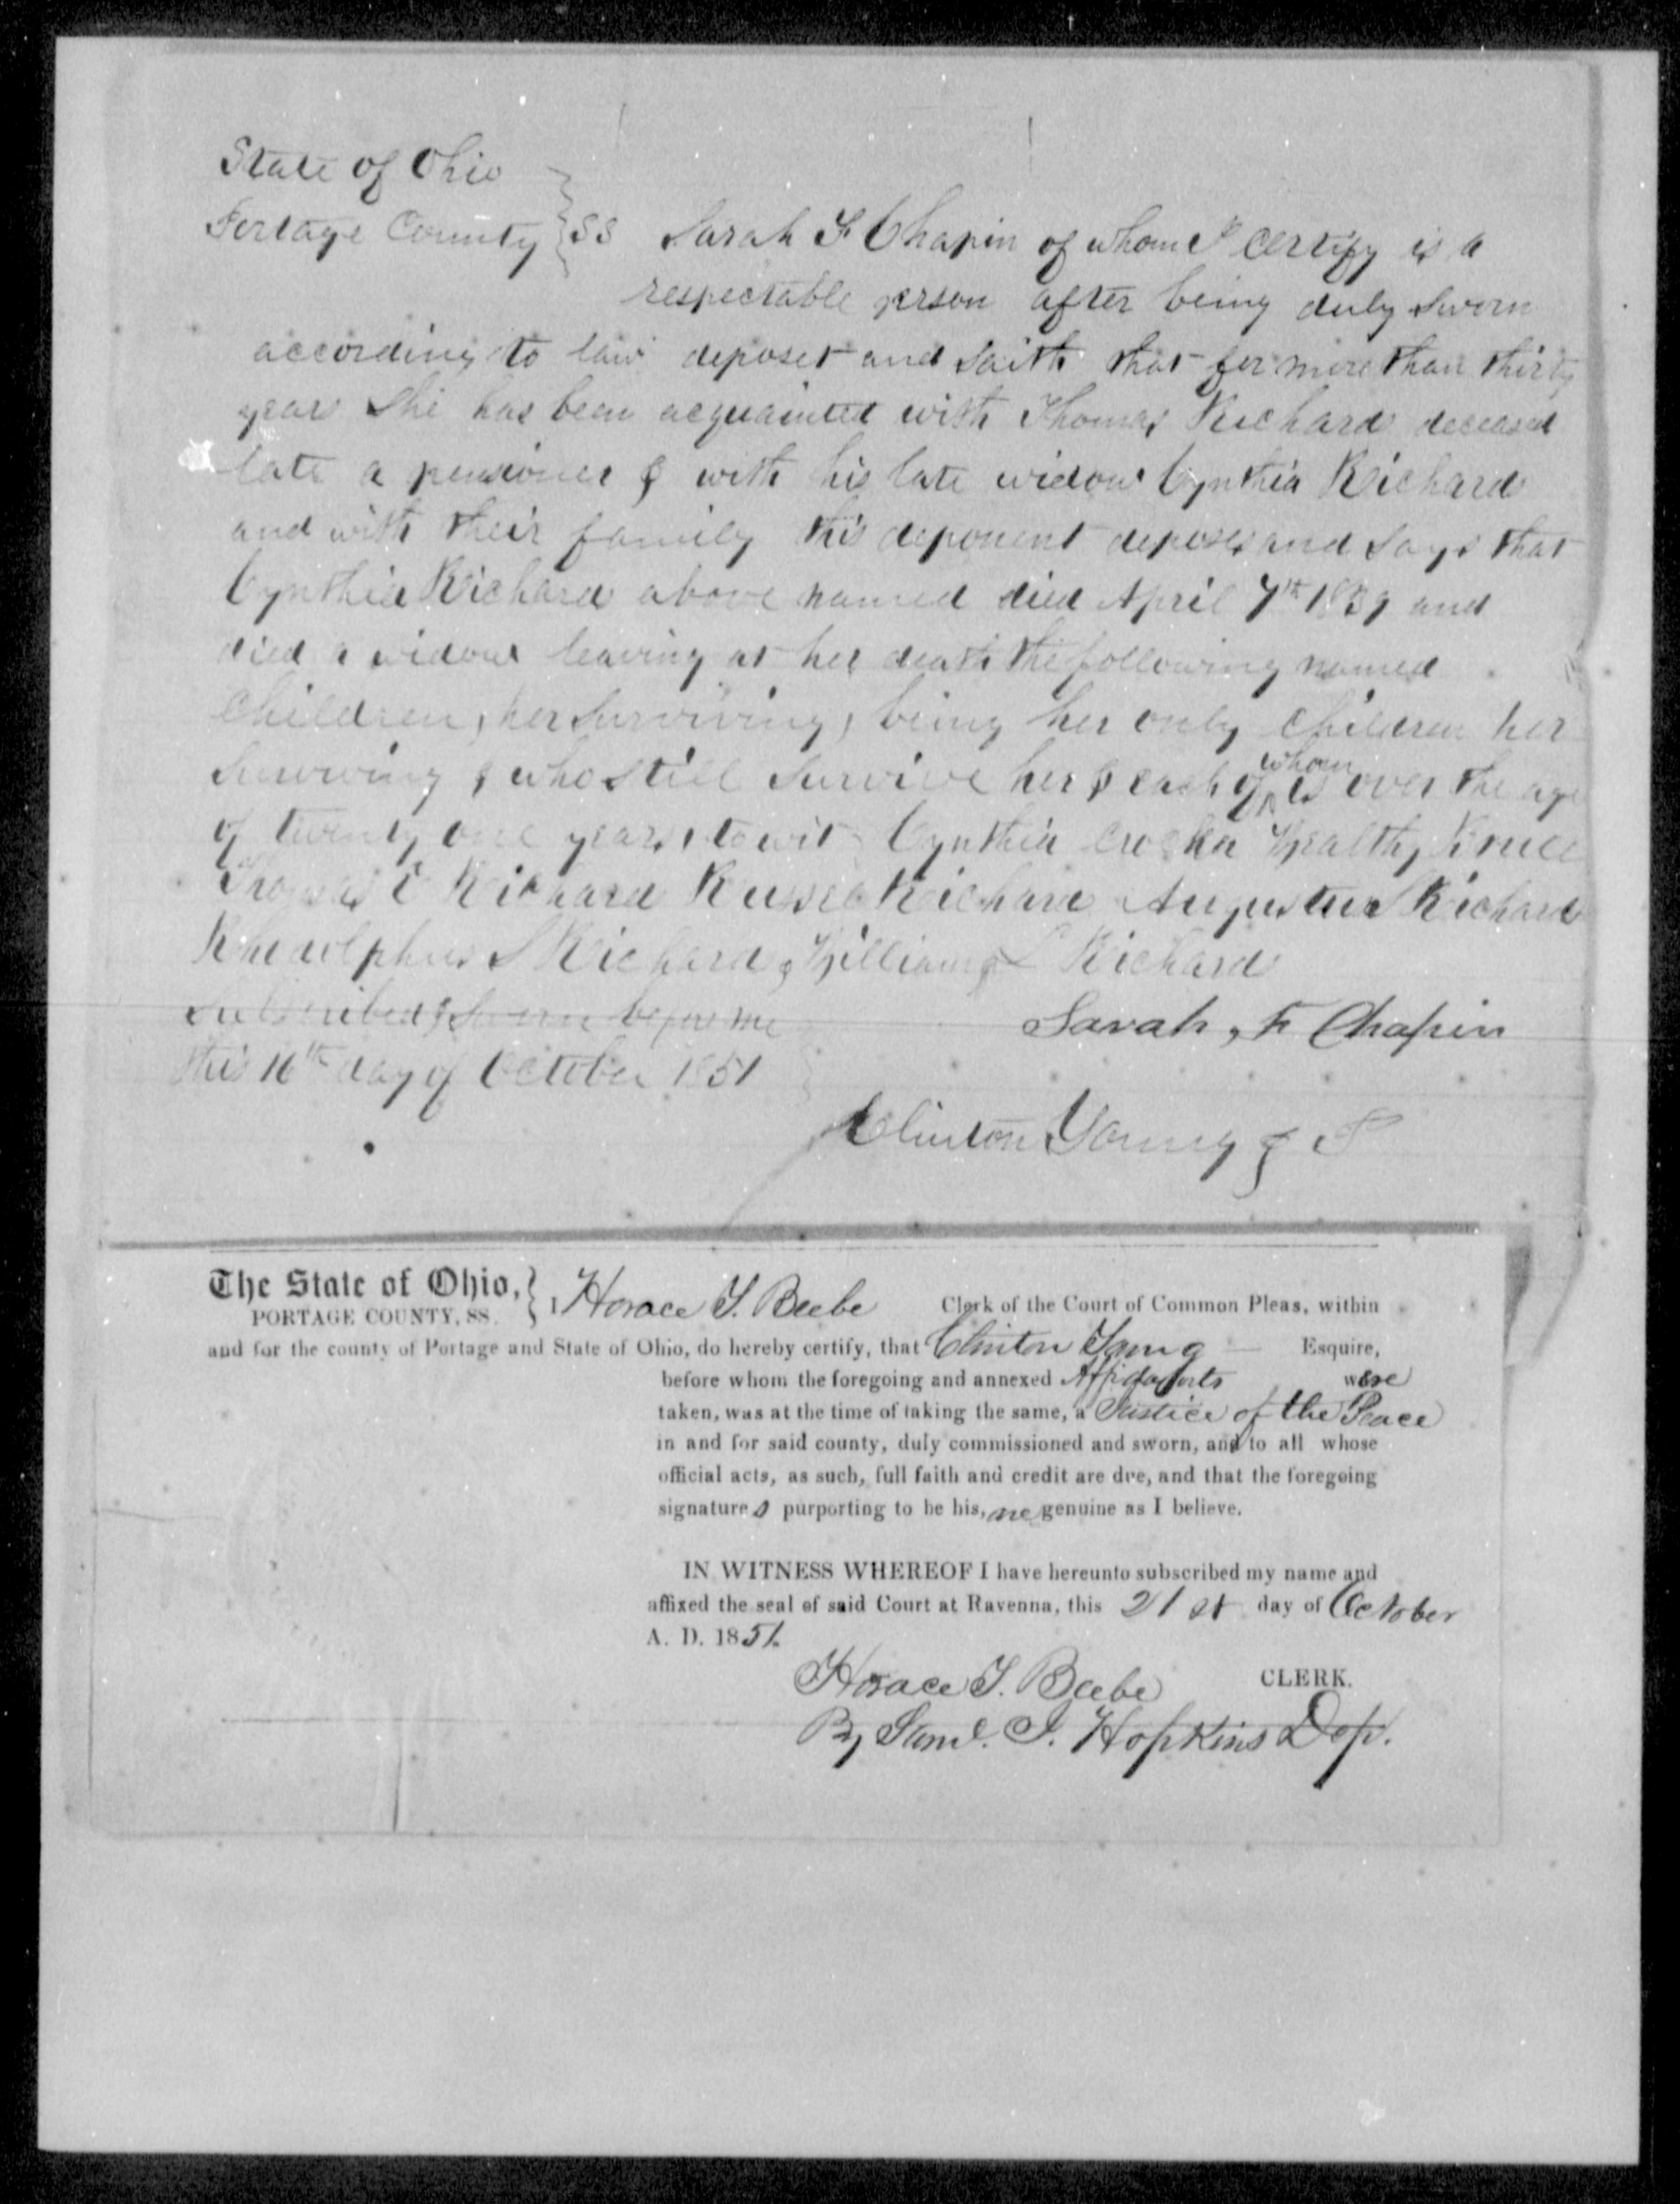State of Ohio
Portage County} SS
Sarah F. Chapin of whom I certify is a
respectable person after being duly sworn
according to law deposeth and saith that for more than thirty years she has been acquainted with Thomas Richards deceased
late a pensioner & with his late widow Cynthia Richards and with their family this deponent deposes and says that Cynthia Richards above named died April 7th 1839 and died a widow leaving at her death the following named
children, her surviving, being her only children her surviving & who still survive her each of whom is over the age of twenty one years, to wit Cynthia Crocker, Wealthy Bruce Thomas E. Richards Russell Richards Augustus S. Richards
Rhodolphus S. Richards and Williams L. Richards
Sarah F Chapin
Subscribed and sworn before me this 11th day of October 1851
Clinton Young J P [JUSTICE PEACE]

The State of Ohio.
PORTAGE COUNTY, SS.} I Horace T Beebe 
Clerk of the Court of Common Pleas, within
and for the county of Portage and State of Ohio, do hereby certify, that Clinton Young Esquire, before whom the foregoing and annexed Affidavits were taken, was at the time of taking the same, a Justice of the Peace in and for said county, duly commissioned and sworn, and to all whose official acts, as such, full faith and credit are due, and that the foregoing signatures purporting to be his, are genuine as I believe.
IN WITNESS WHEREOF I have hereunto subscribed my name and affixed the seal of said Court at Ravenna, this 21st day of October A. D. 1851.
Horace T. Beebe CLERK.
By Saml [SAMUEL] J. Hopkins Dep. [DEPUTY]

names: Sarah F Chapin; Clinton Young; Horace T Beebe; Clinton Young; Thomas E Richards; Saml J Hopkins; Cynthia Richards; Cynthia Richards; Rhodolphus S Richards; Horace T Beebe; Thomas Richards; Sarah F Chapin; Russel Richards; William L Richards; Cynthia Crocker; Augustus Richards; Wealthy Bruce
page: 72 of 109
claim: widow's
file: W. 5709, for Thomas Richards, New Hampshire